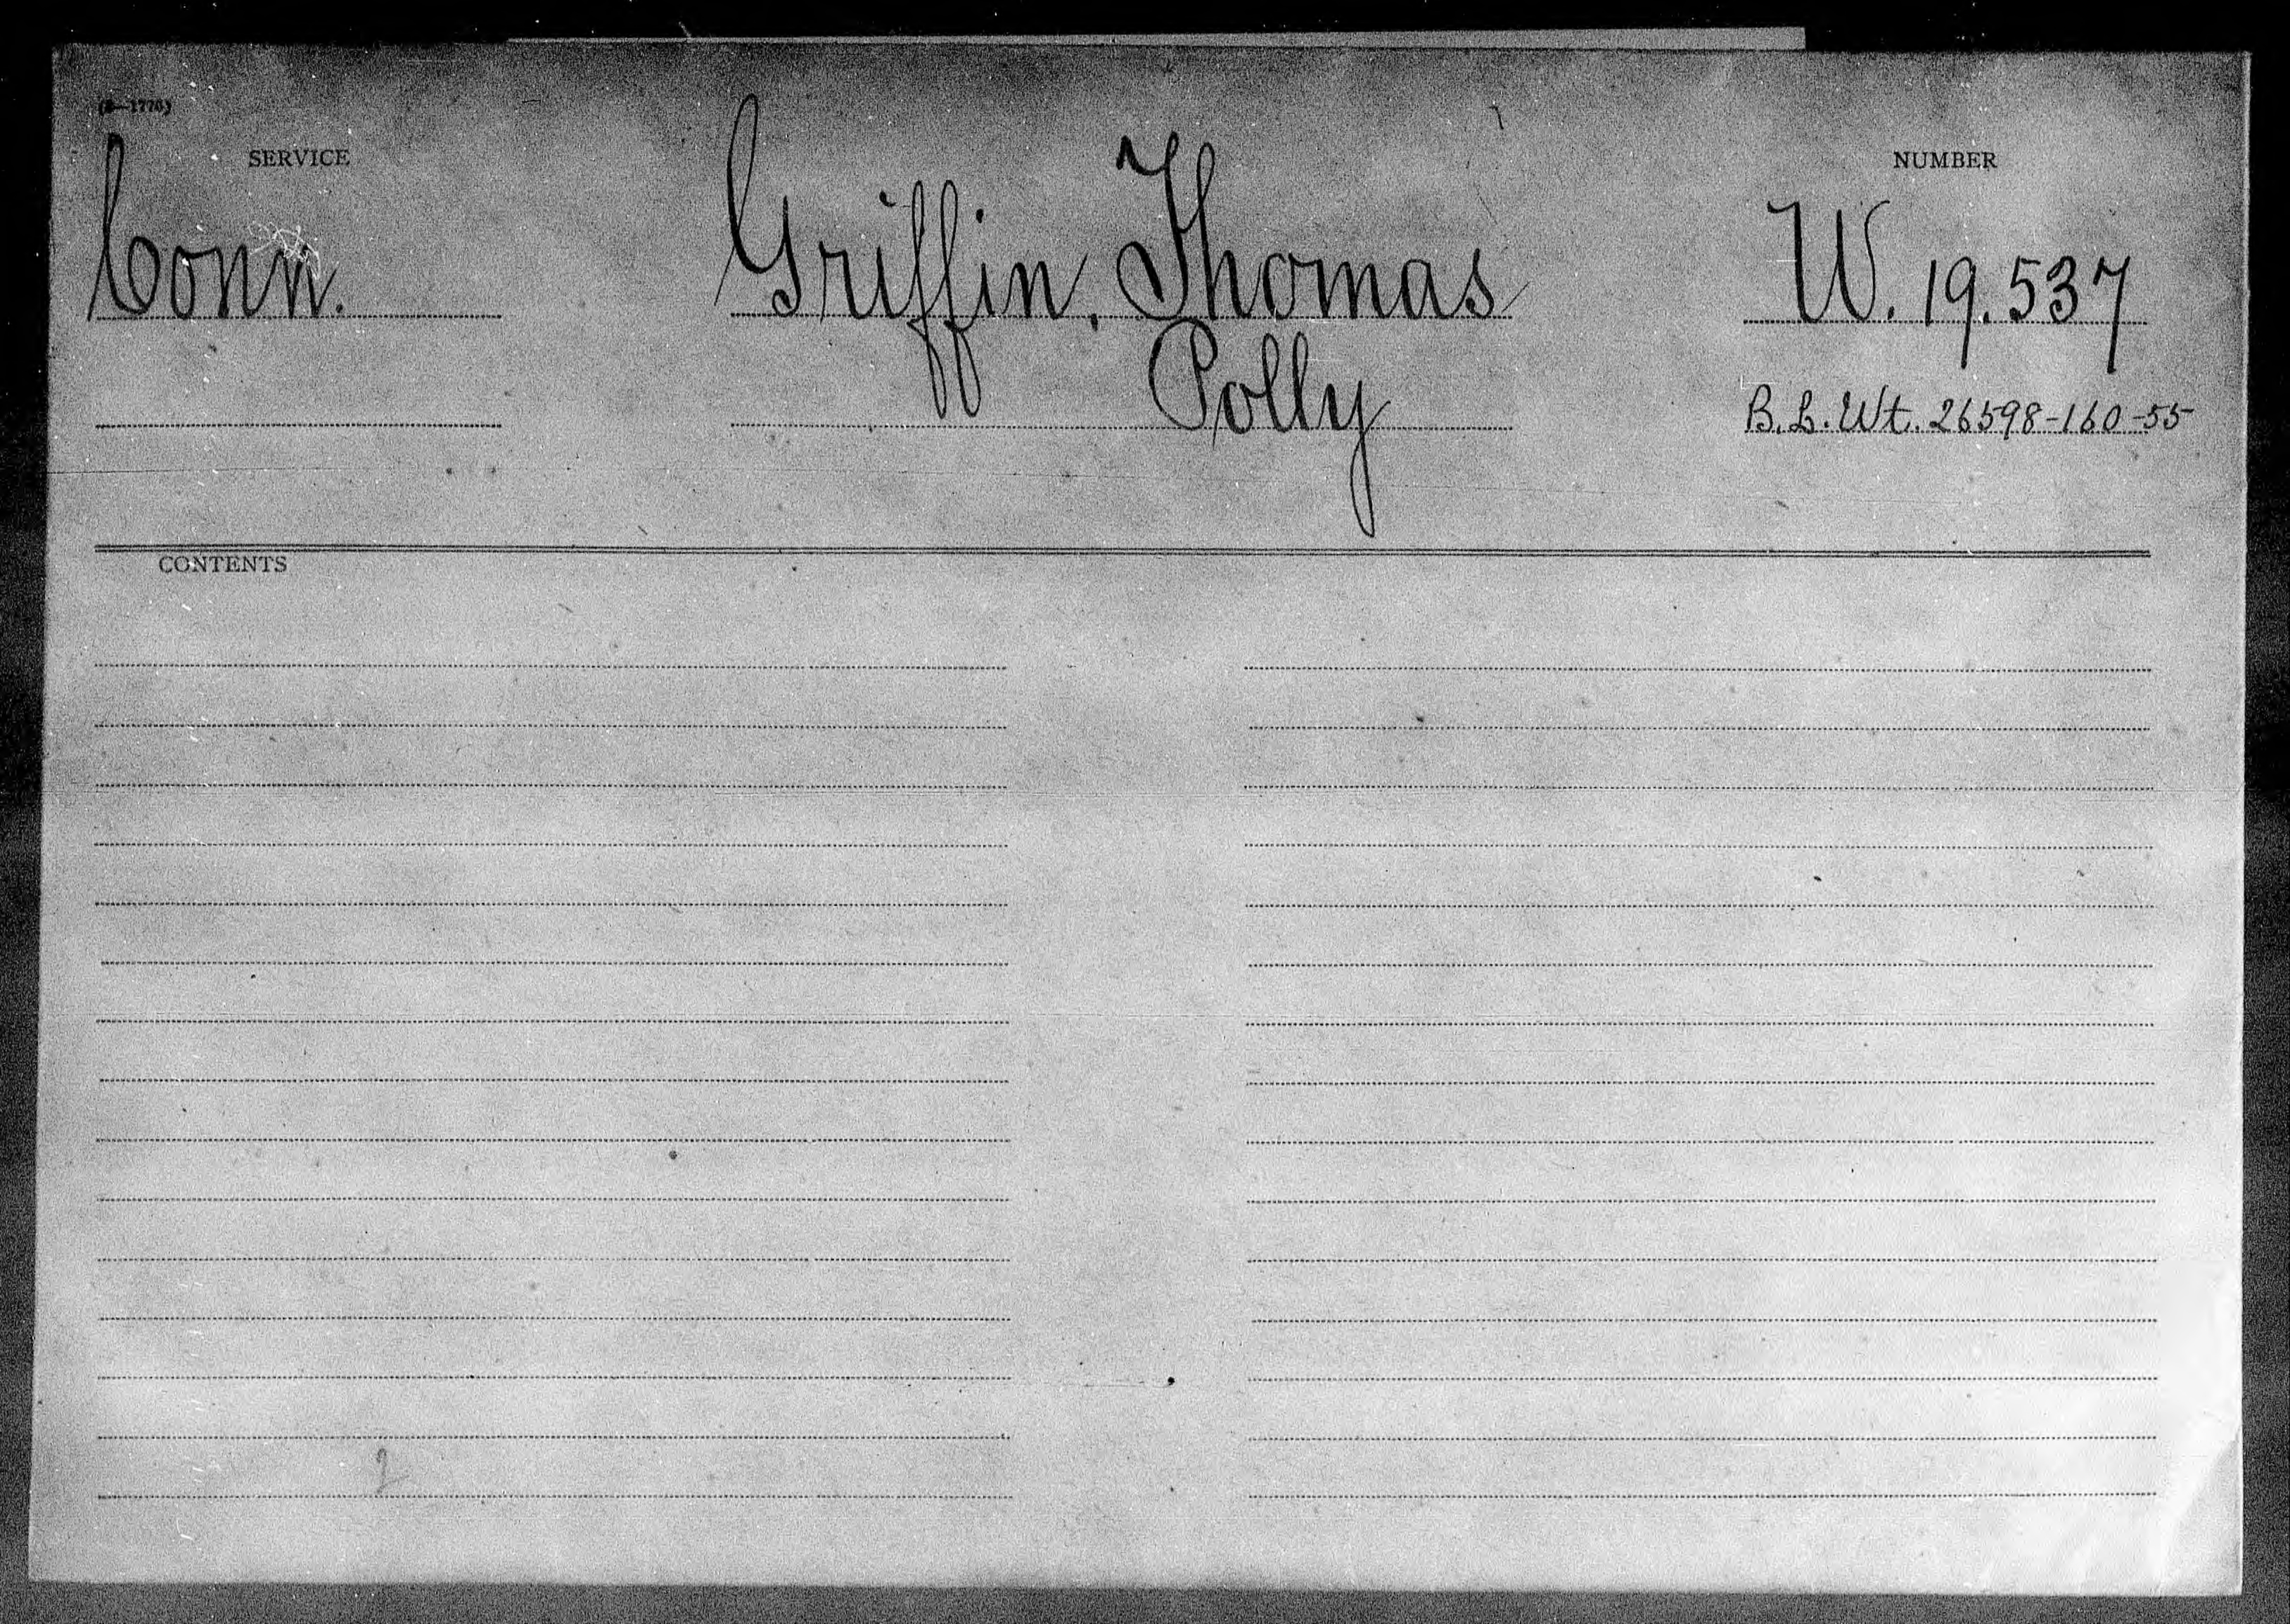(B-1776)
SERVICE CONN.
Griffin, Thomas
Polly 
NUMBER 
W. 19.537 
B.L. Wt. 26598-160-55
||
CONTENTS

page: 1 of 60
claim: widow's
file: W. 19,537, Thomas Griffin, Conn.